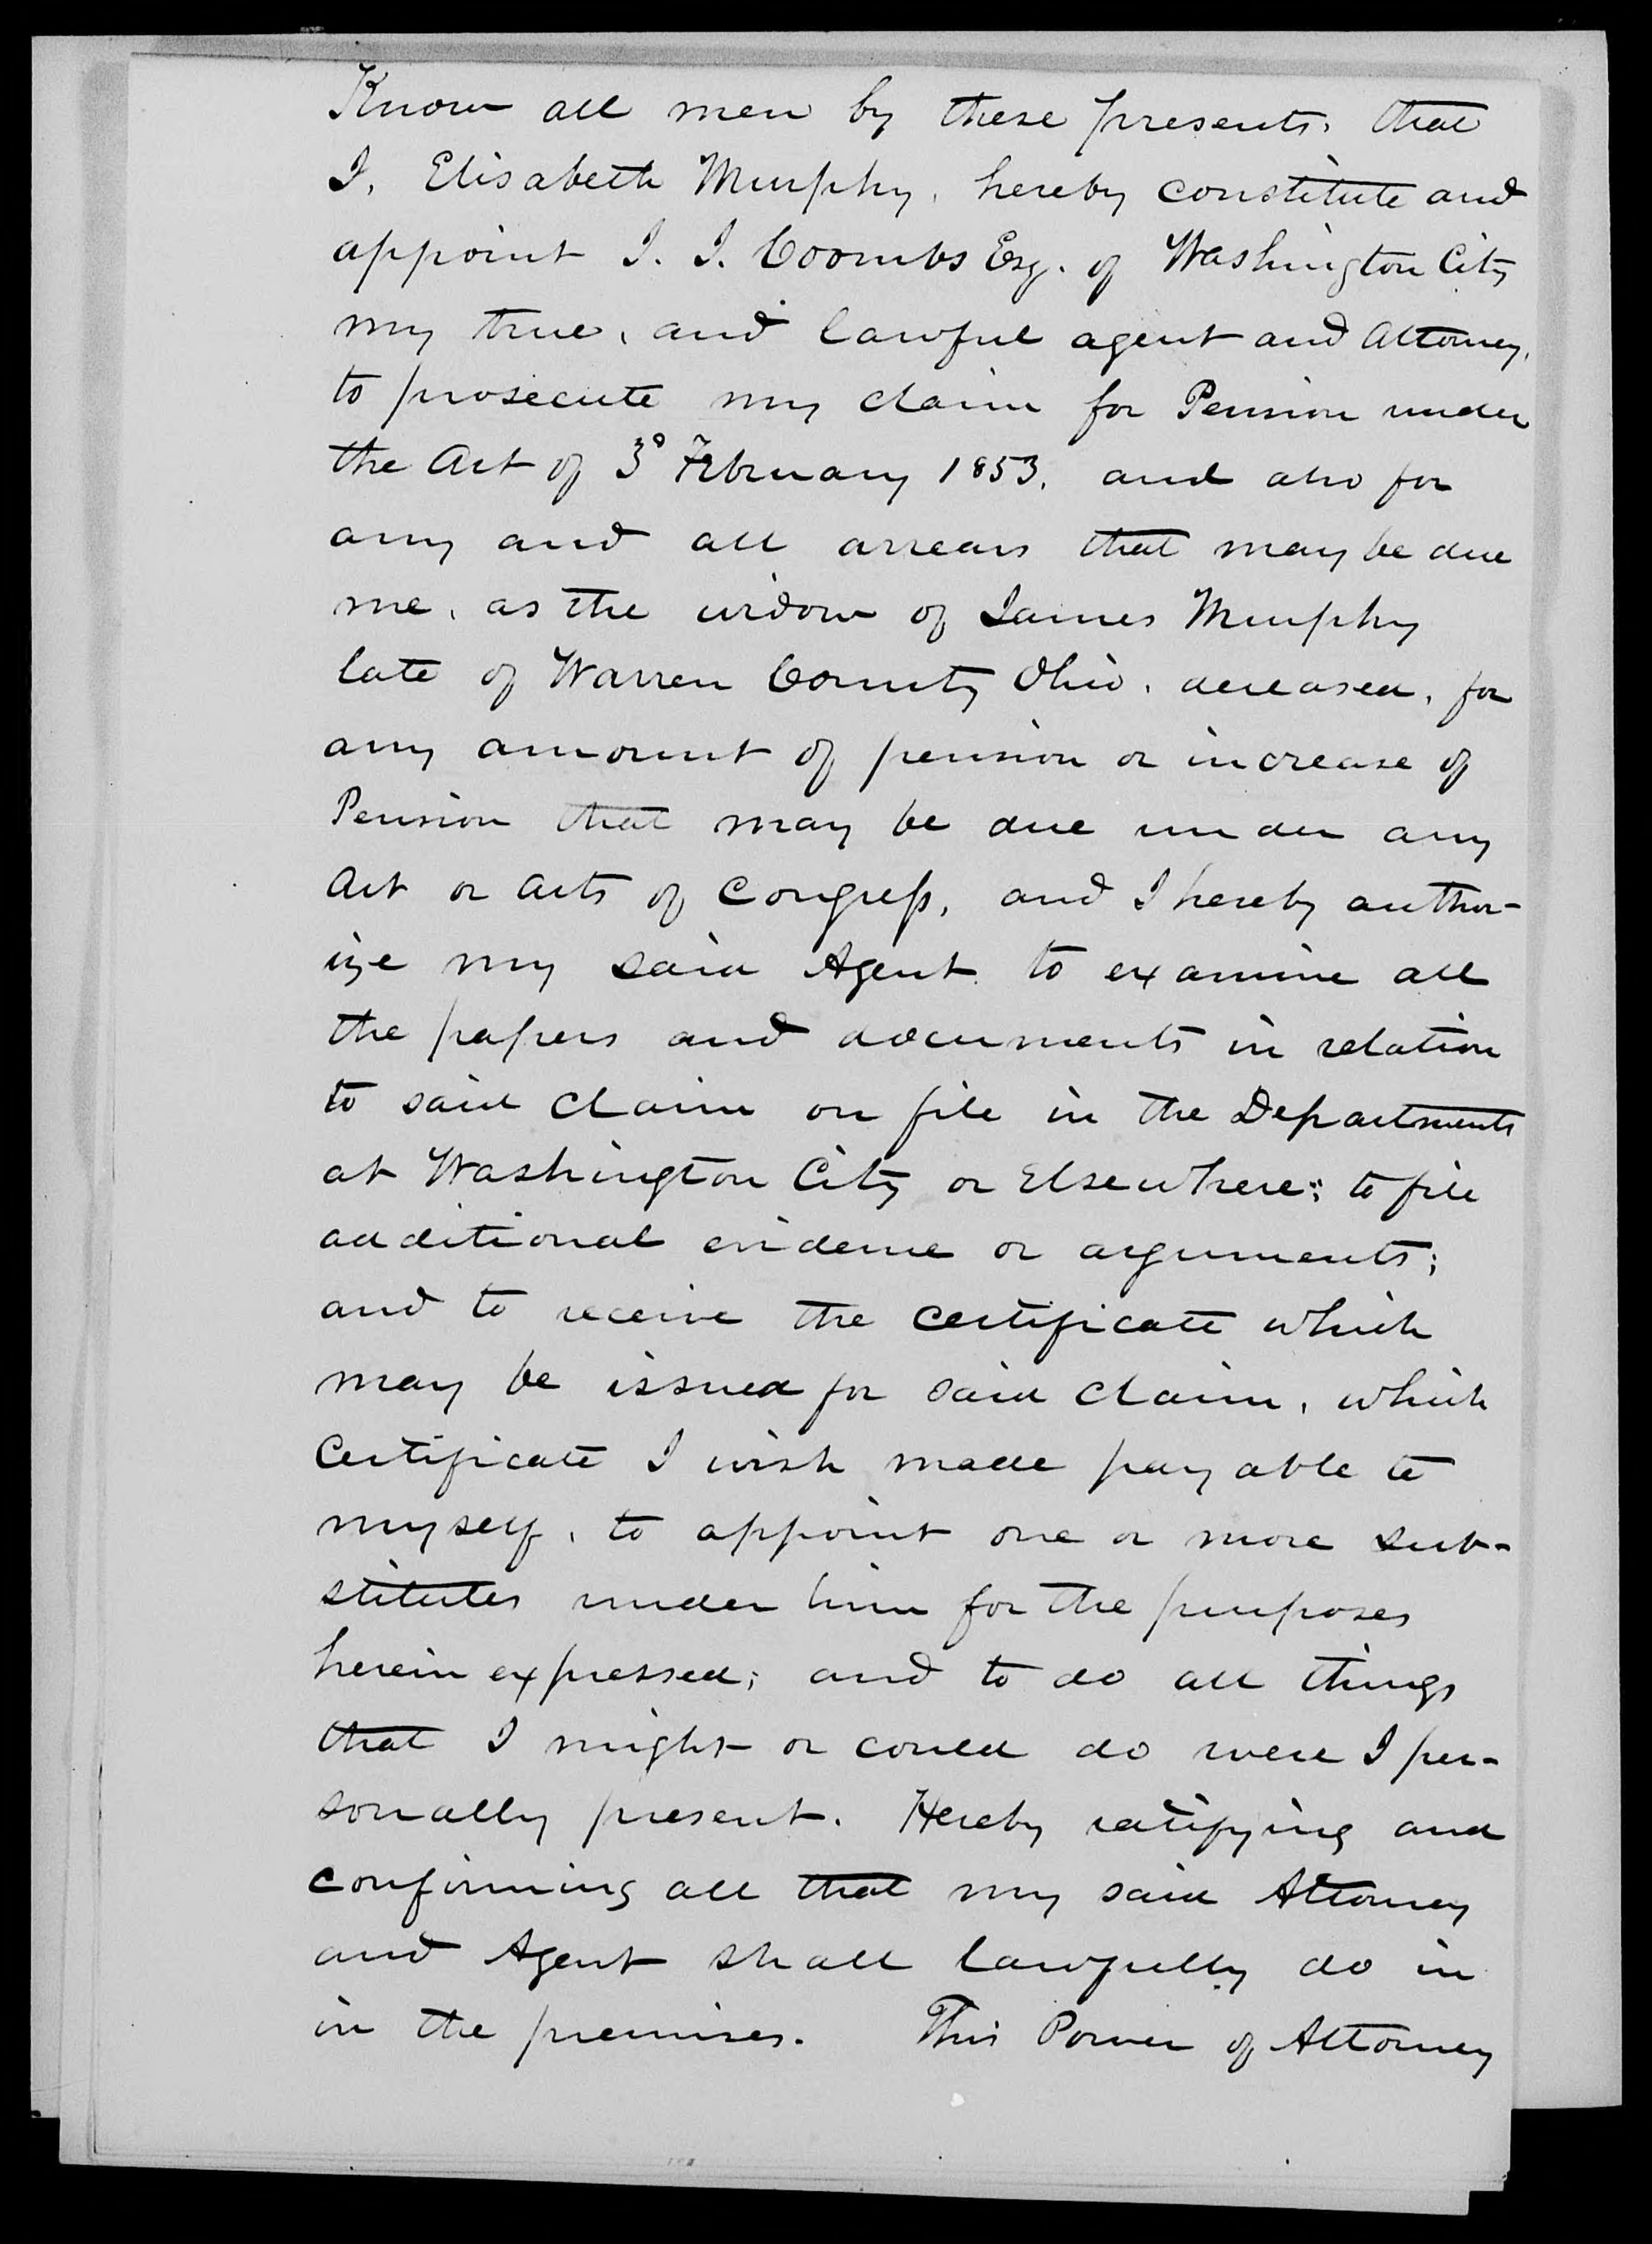Know all men by these presents, that
I, Elizabeth Murphy, hereby constitute and
appoint J. J. Coombs Es. " Washington City of
my true and lawful agent and Attorney
to prosecute my claim for pension under 
the Act of 3d February 1853, and also for
any and all arrears that may be due
me, as the widow of James Murphy
late of Warren County Ohio, deceased, for
any amount of pension or increase of
Pension that may be due under any
act or acts of Congress, and I hereby authorize 
my said Agent to examine all
the papers and documents in relation
to said claim on file in the Departments
at Washington City or elsewhere; to file
additional evidence or arguments,
and to receive the certificate which
may be issued for said claim, which
Certificate I wish made payable to
myself, to appoint one or more substitutes
under him for the purposes
herein expressed; and to do all things
that I might or could do were I personally 
present. Hereby ratifying and
confirming all that my said Attorney
and Agent shall lawfully do in
in the premises. This power of attorney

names: James Murphy; Elisabeth Murphy; J J Coombs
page: 15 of 57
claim: widow's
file: W. 25,739, for James Murphey, Pennsylvania